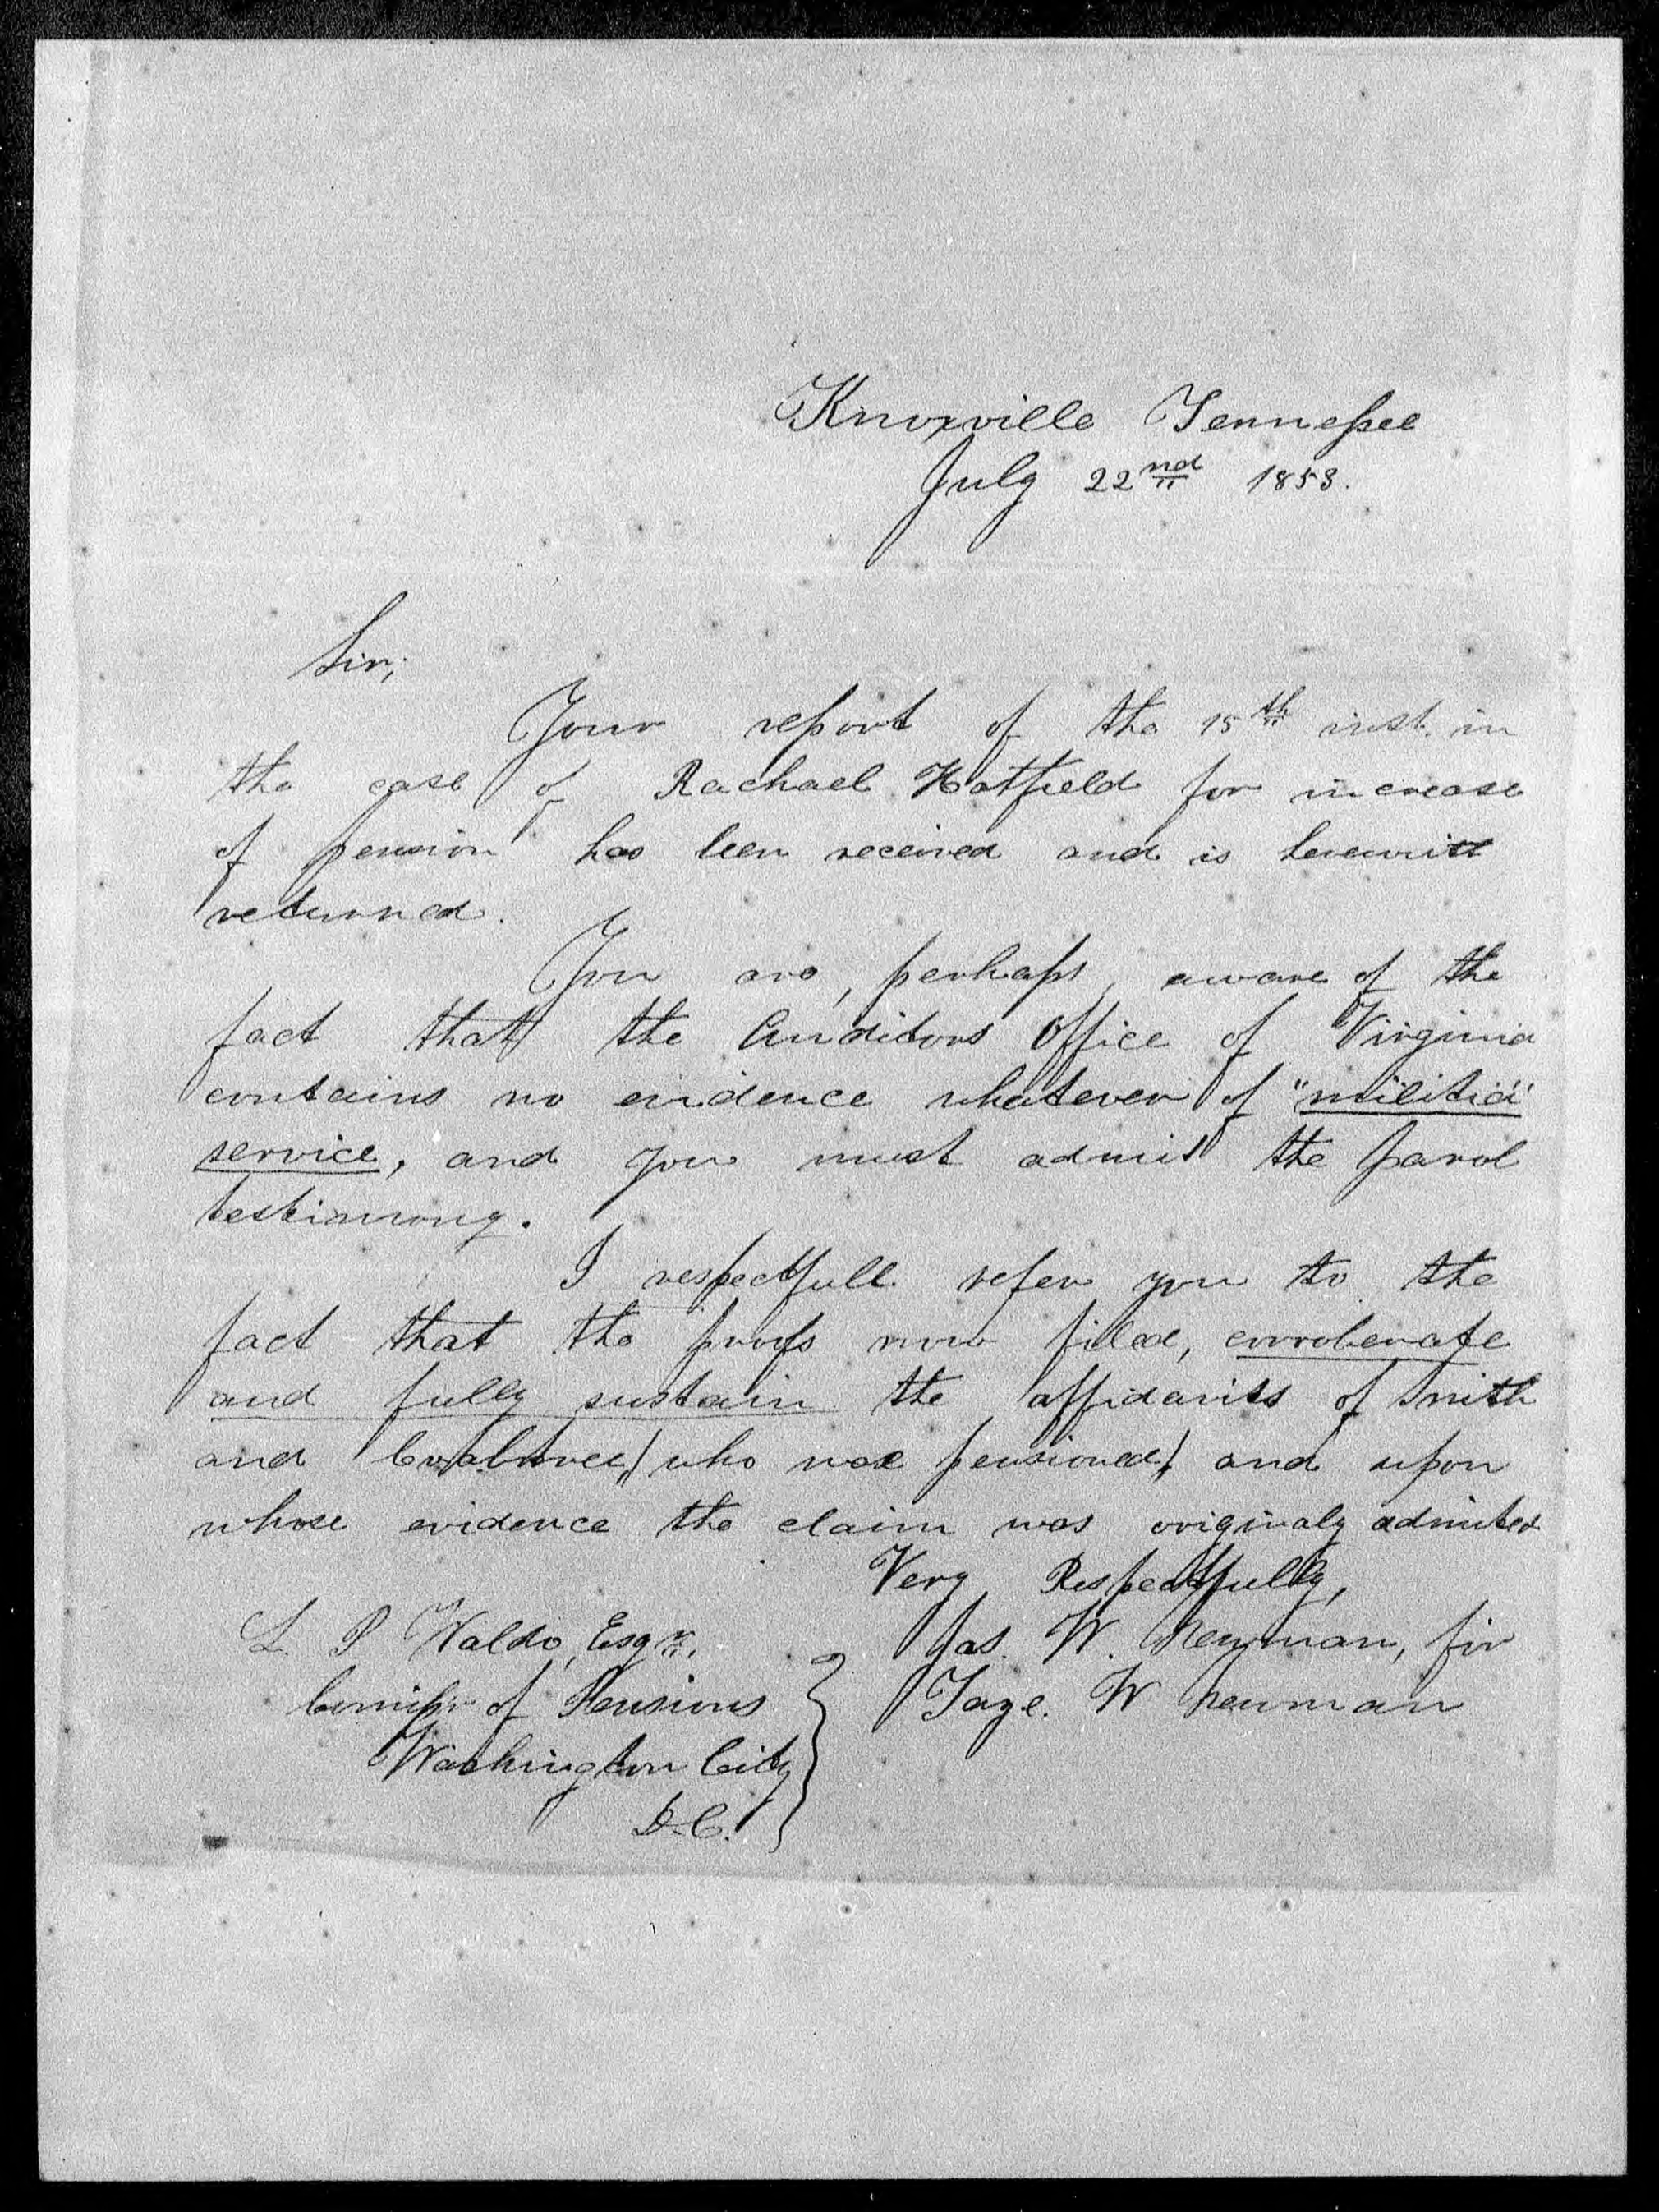Knoxville Tennessee
July 22nd 1853

Sir,
Your report of the 15th inst. in the case of Rachel Hatfield for increase of pension has been received and is herewith returned.
You are, perhaps, aware of the fact that the Auditors Office of Virginia contains no evidence whatever of "militia" service, and you must admit the Jarol (illegible).
I respectfull refer you to the fact that the proofs now filed, corroberate and fully sustain the affidavits of Smith and Crabtree (who were pensioned) and upon whose evidence the claim was originally admitted. 
Very Respectfully,
Jas. W. Newman for
Taze W Newman

L. P. Waldo, Esqr
Comissr of Pensions
Washington City D.C.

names: Taze W Newman, Jas W Newman, Crabtree, L P Waldo, Rachael Hatfield, Smith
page: 15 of 74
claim: widow's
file: W. 5, Joseph Hatfield, Va.